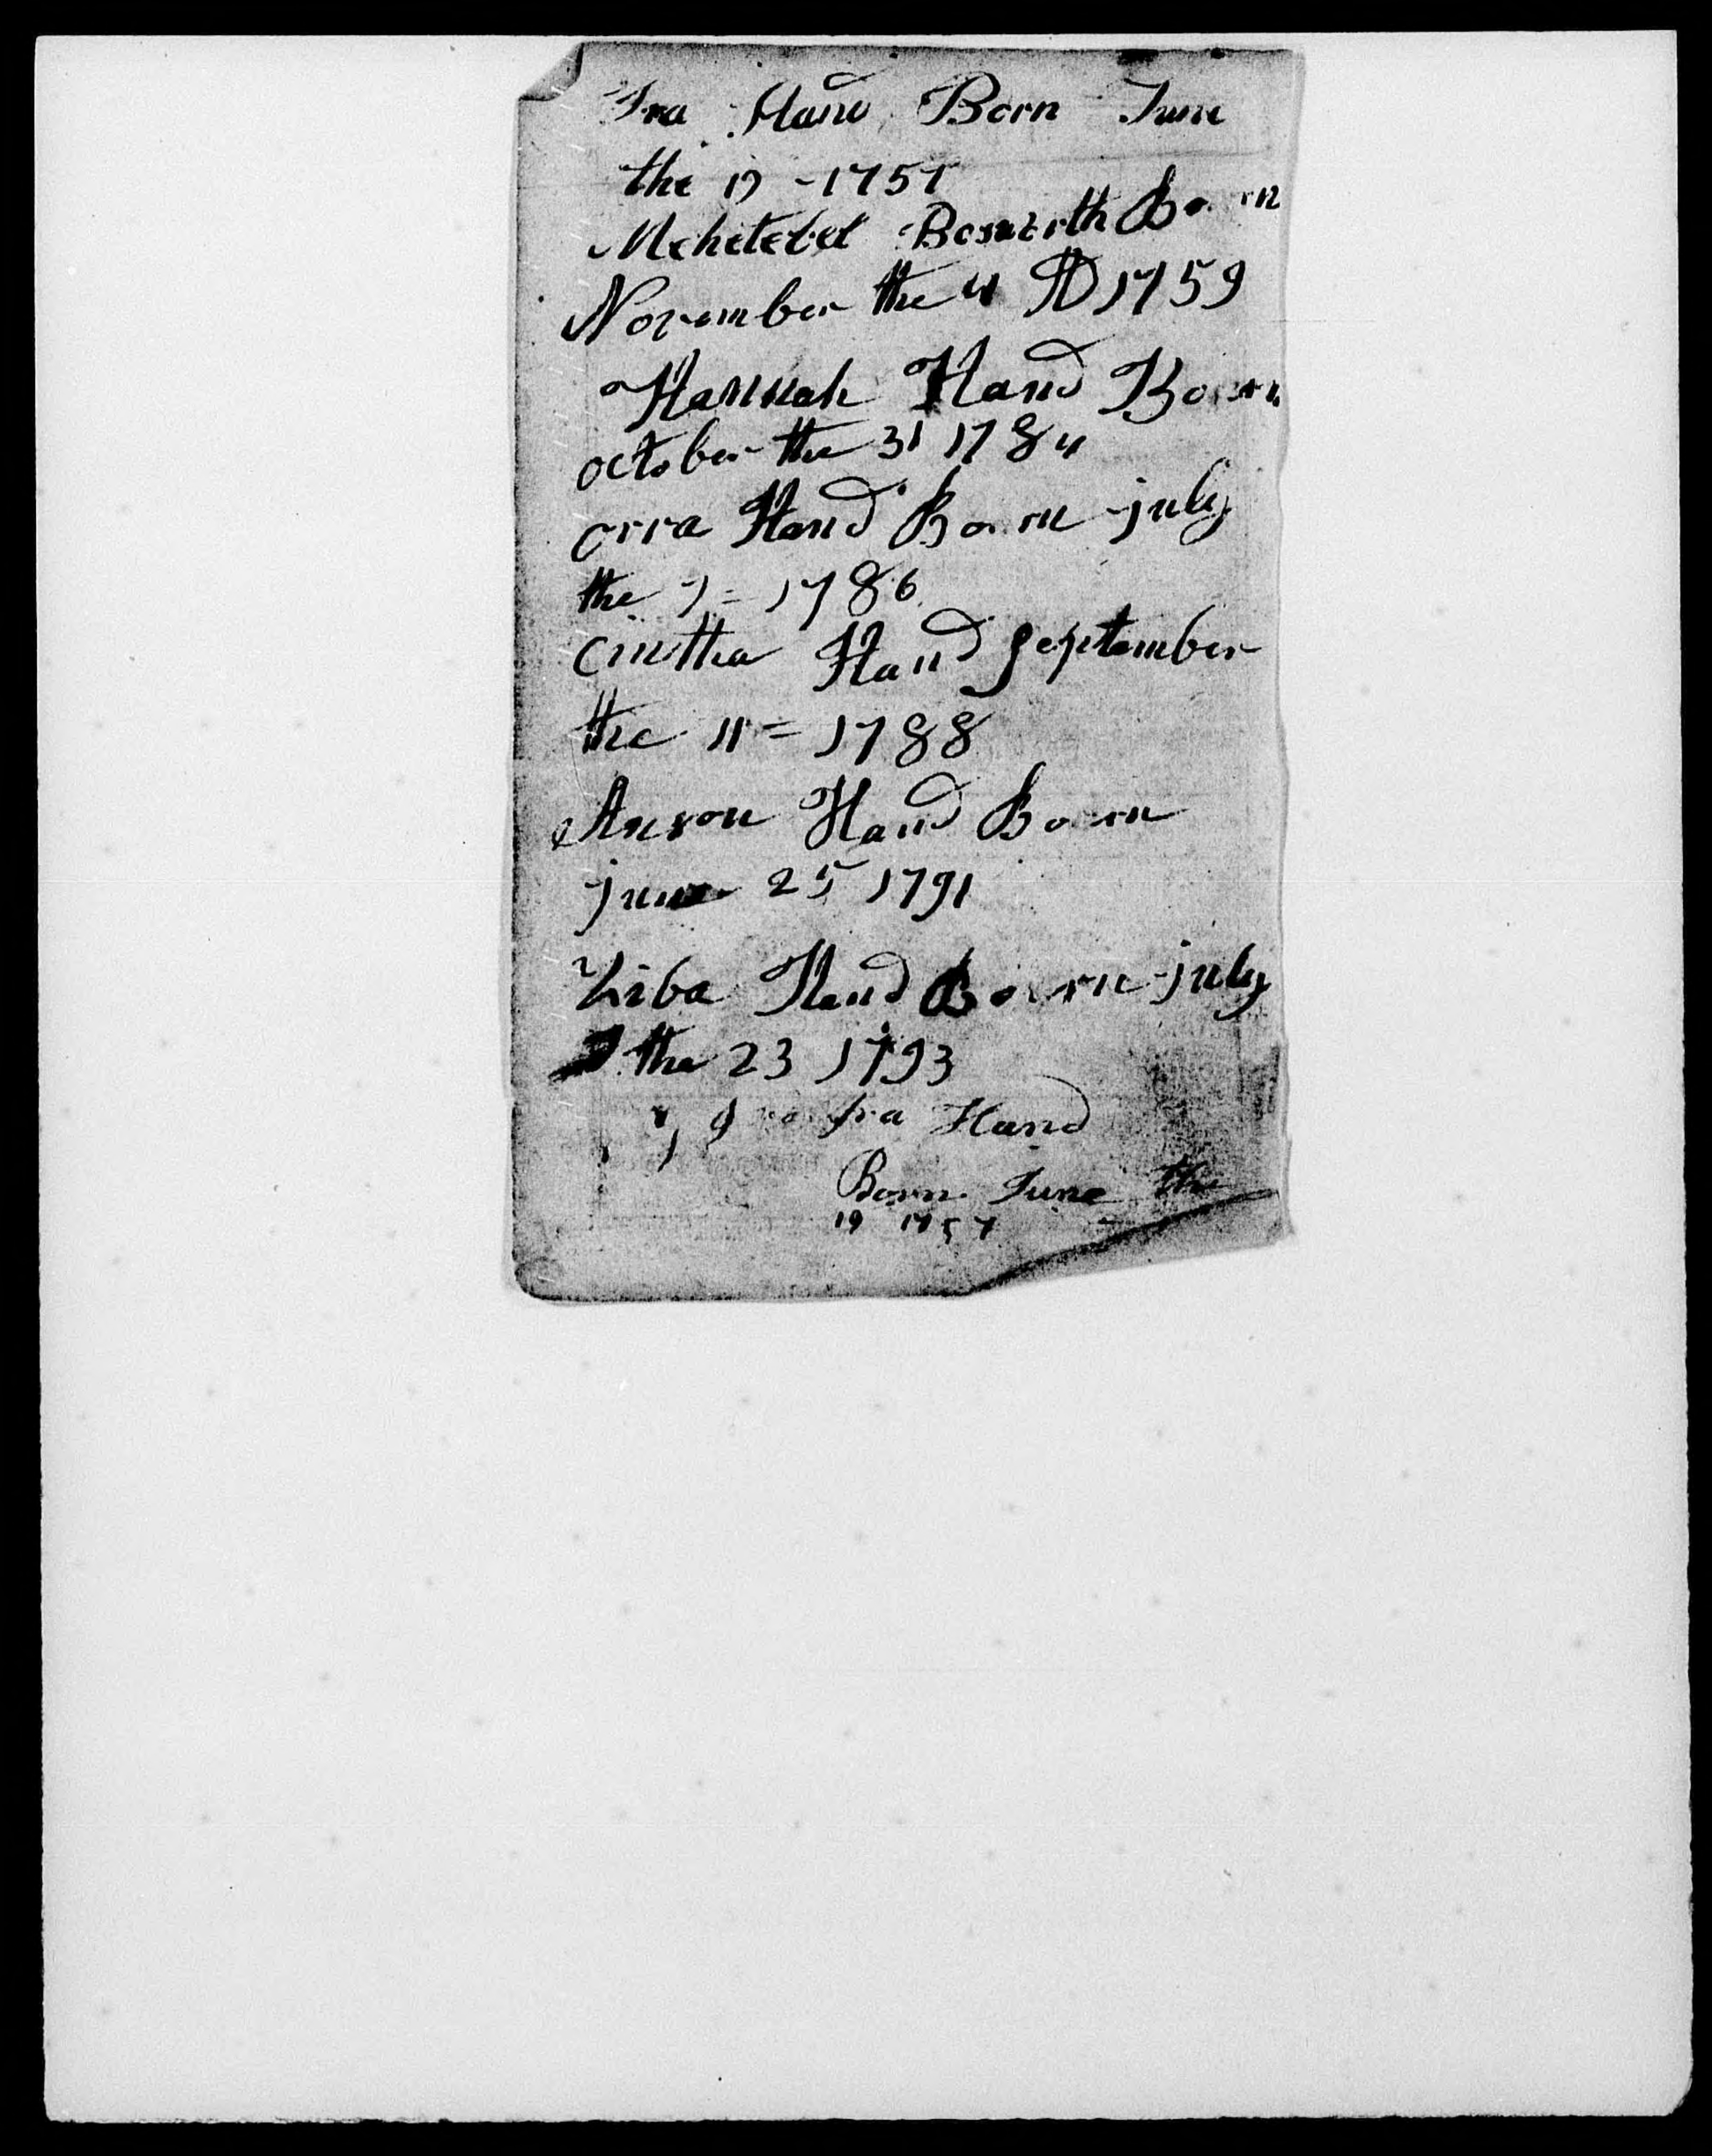Ira Hand Born Jun the 12 - 1757
Mchetetel Bos[]
November the 11 AD 1759
Hannah Hand Born October the 31 1784
Orra Hand Born July the 7, 1786
C[] Hand Sepetember the 11 1788
Aaron Hand Born Ju 25, 1791
Ziba Hand Born July the 23 1793
J[] ra Hand
Born June 19 1757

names: Ziba Hand, Josepa Hand, Hannah Hand, Orra Hand, Mehetebel Bosworth, Anson Hand, Cintha Hand, Ira Hand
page: 12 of 42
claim: widow's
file: W. 19,722, Ira Hand, N.H. Vt.